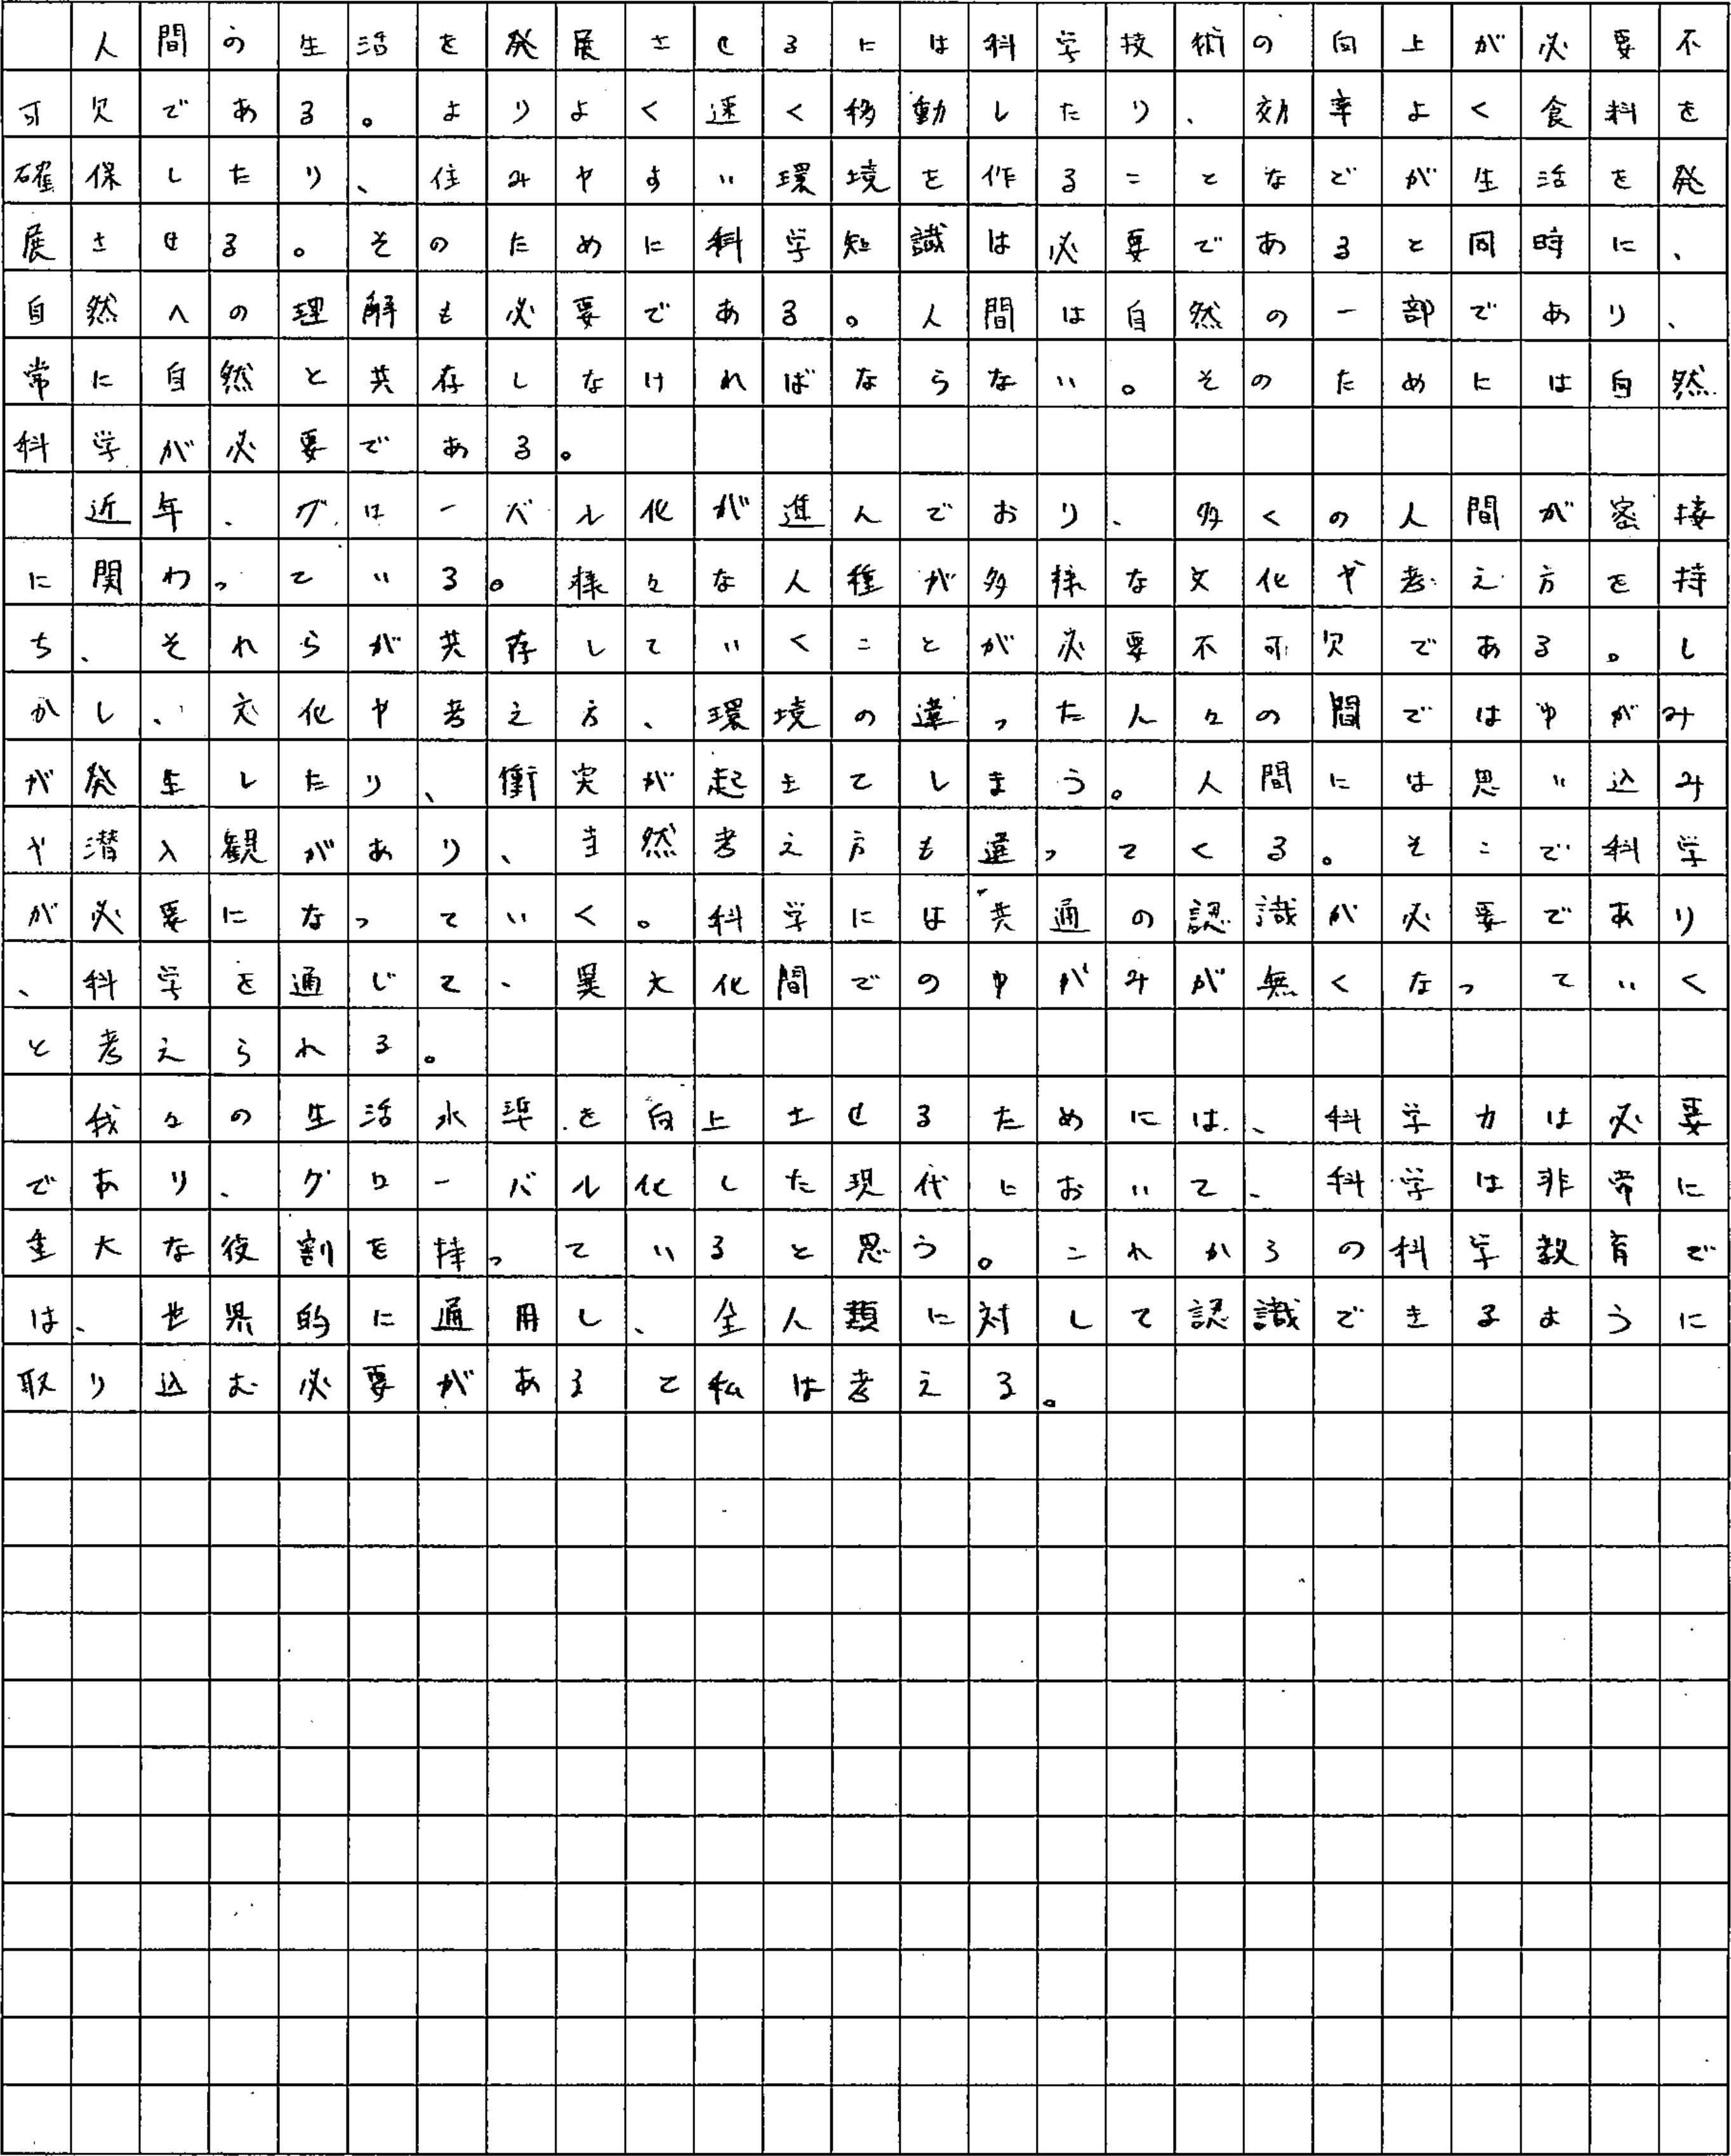　人間の生活を発展させるには科学技術の向上が必要不可欠である。よりよく速く移動したり、効率よく食料を確保したり、住みやすい環境を作ることなどが生活を発展させる。そのために科学知識は必要であると同時に、自然への理解も必要である。人間は自然の一部であり、常に自然と共存しなければならない。そのためには自然科学が必要である。
　近年、グローバル化が進んでおり、多くの人間が密接に関わっている。様々な人種が多様な文化や考え方を持ち、それらが共存していくことが必要不可欠である。しかし、文化や考え方、環境の違った人々の間ではゆがみが発生したり、衝突が起きてしまう。人間には思い込みや潜入観があり、当然考え方も違ってくる。そこで科学が必要になっていく。科学には共通の認識が必要であり、科学を通じて、異文化間でのゆがみが無くなっていくと考えられる。
　我々の生活水準を向上させるためには、科学力は必要であり、グローバル化した現代において、科学は非常に重大な役割を持っていると思う。これからの科学教育では、世界的に通用し、全人類に対して認識できるように取り込む必要があると私は考える。
